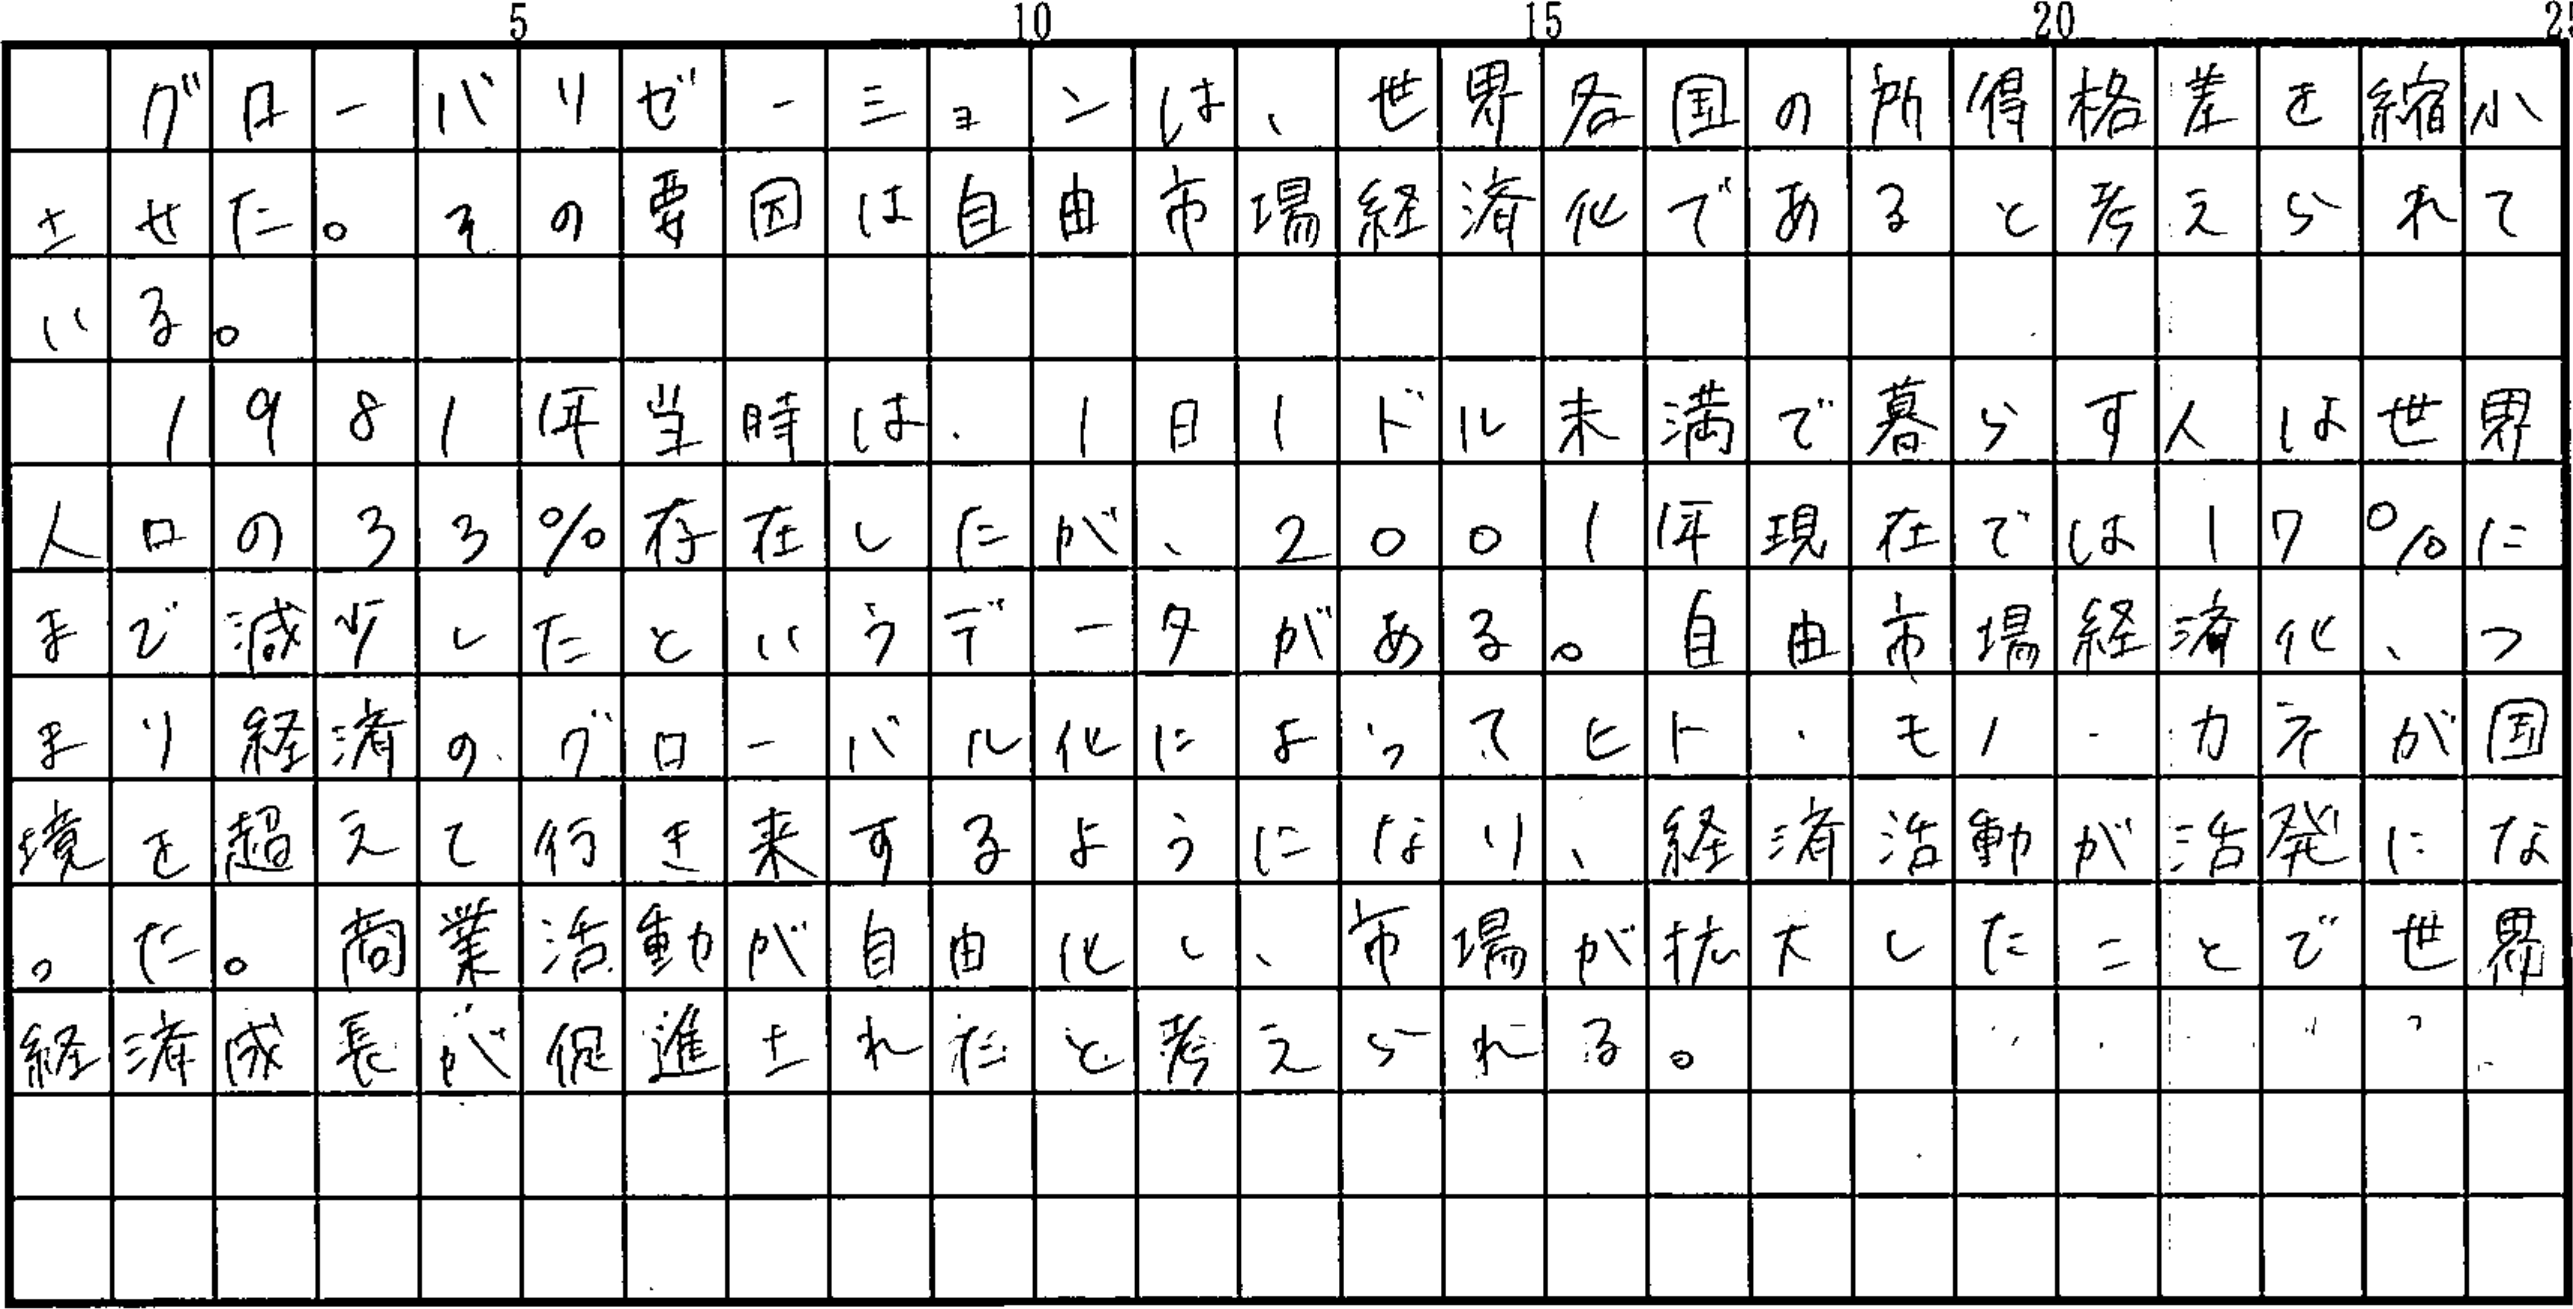　グローバリゼーションは、世界各国の所得格差を縮小させた。その要因は自由市場経済化であると考えられている。
　１９８１年当時は、１日１ドル未満で暮らす人は世界人口の３３％存在したが、２００１年現在では１７％にまで減少したというデータがある。自由市場経済化、つまり経済のグローバル化によってヒト・モノ・カネが国境を超えて行き来するようになり、経済活動が活発になった。商業活動が自由化し、市場が拡大したことで世界経済成長が促進されたと考えられる。
